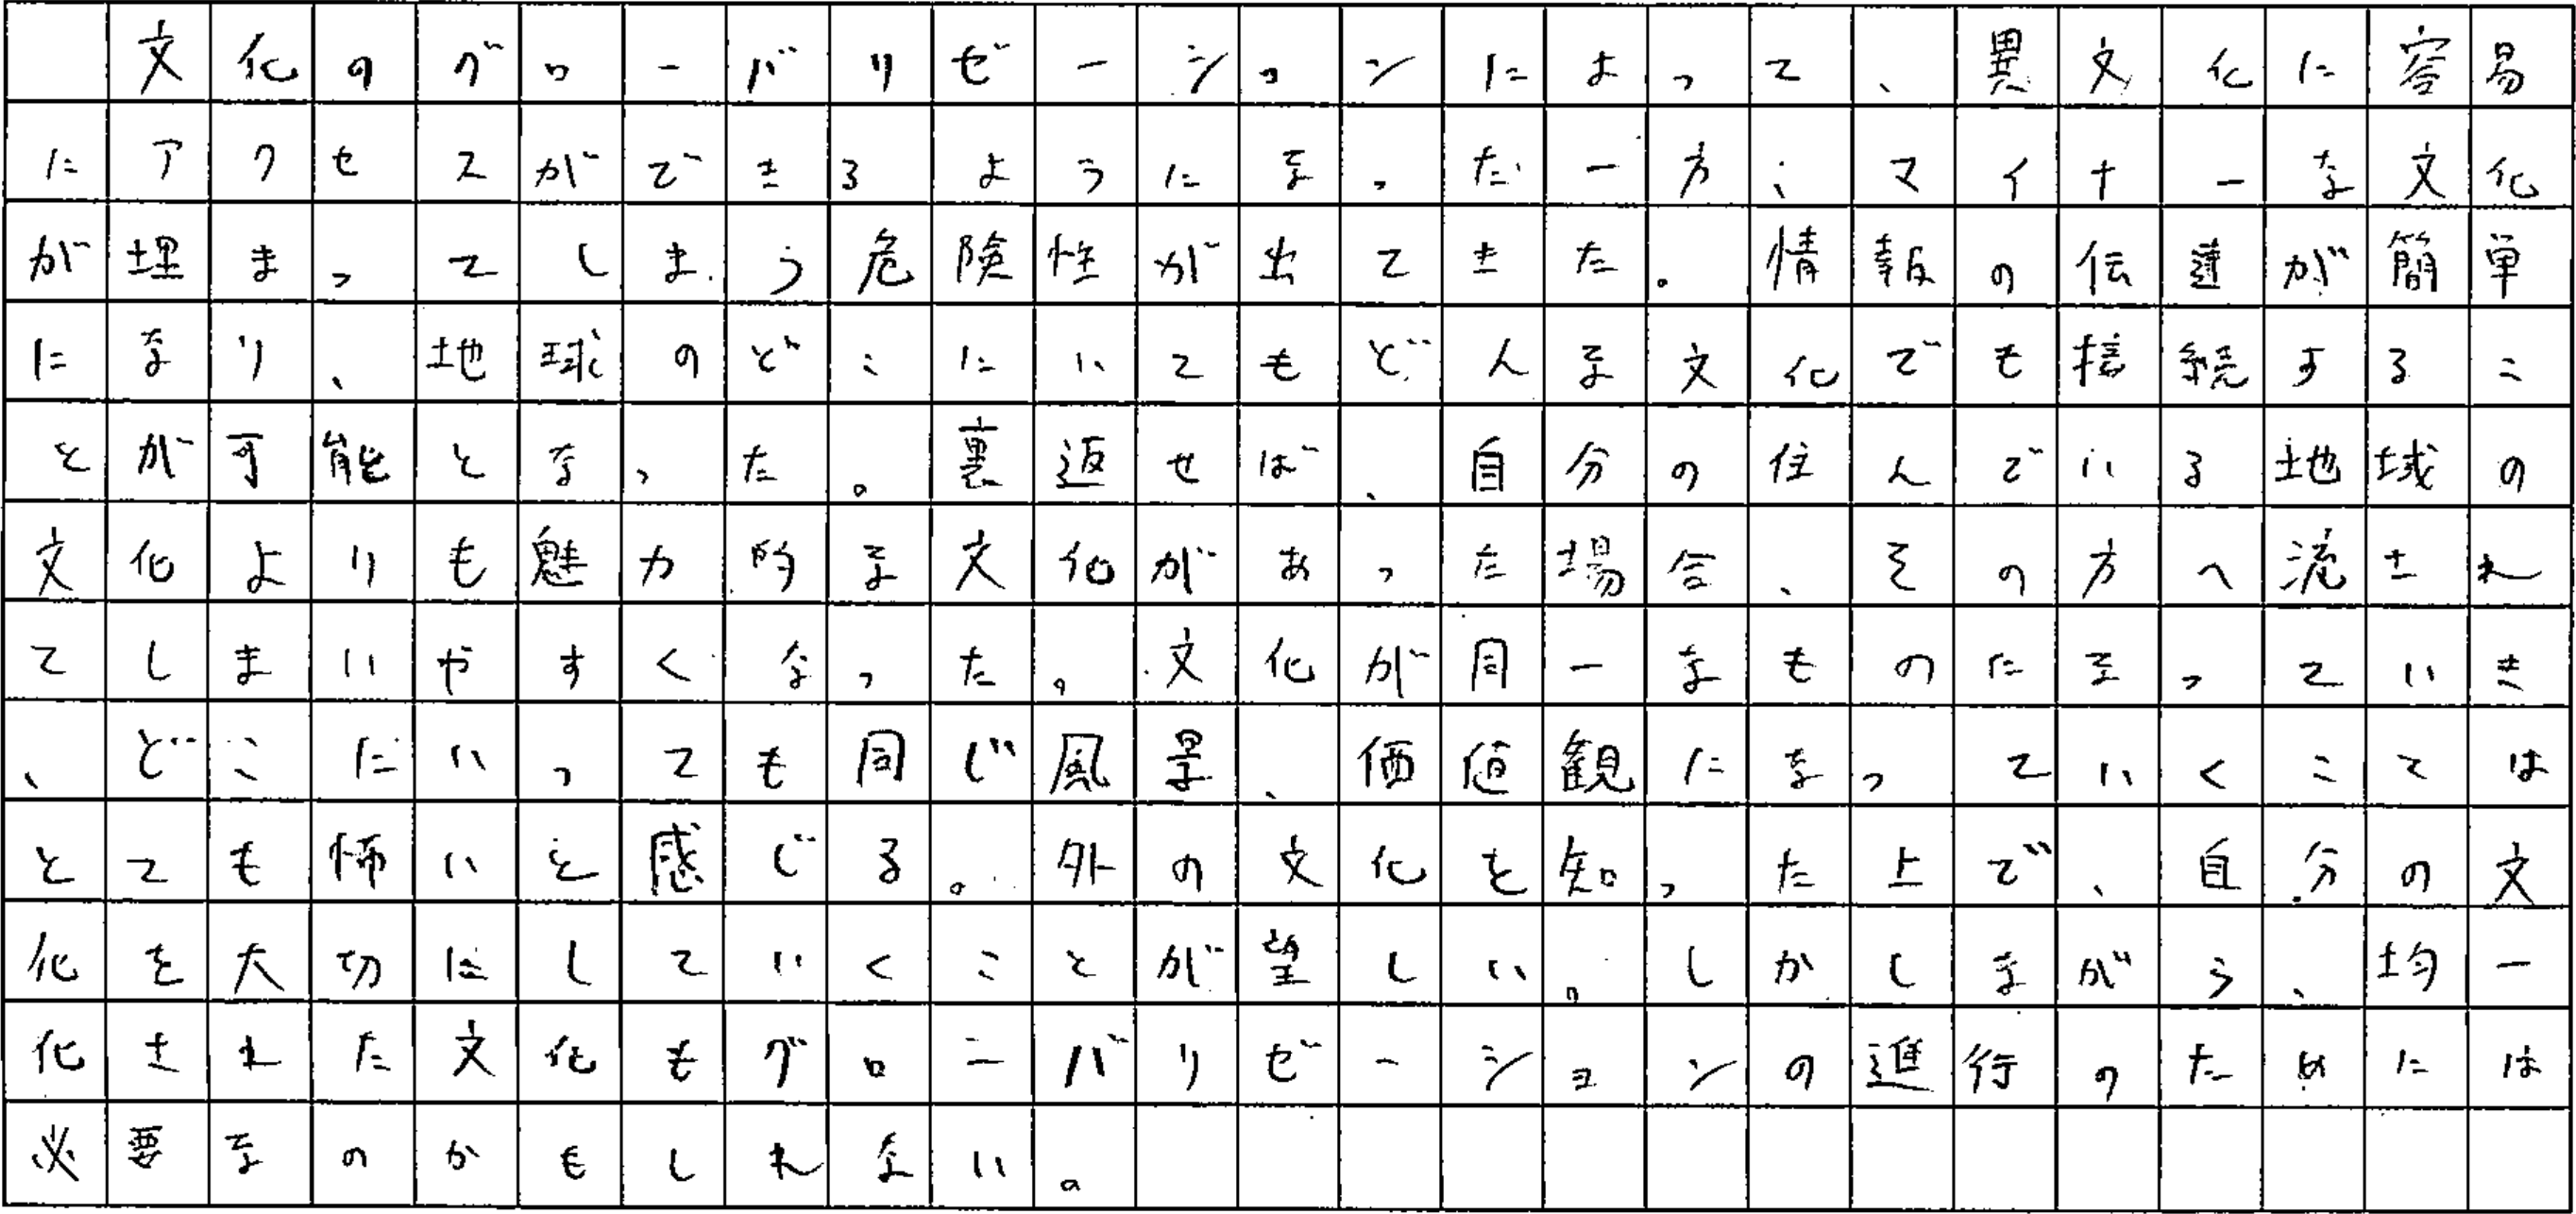　文化のグローバリゼーションによって、異文化に容易にアクセスができるようになった一方、マイナーな文化が埋まってしまう危険性が出てきた。情報の伝達が簡単になり、地球のどこにいてもどんな文化でも接続することが可能となった。裏返せば、自分の住んでいる地域の文化よりも魅力的な文化があった場合、その方へ流されてしまいやすくなった。文化が同一なものになっていき、どこにいっても同じ風景、価値観になっていくことはとても怖いと感じる。外の文化を知った上で、自分の文化を大切にしていくことが望しい。しかしながら、均一化された文化もグローバリゼーションの進行のためには必要なのかもしれない。
